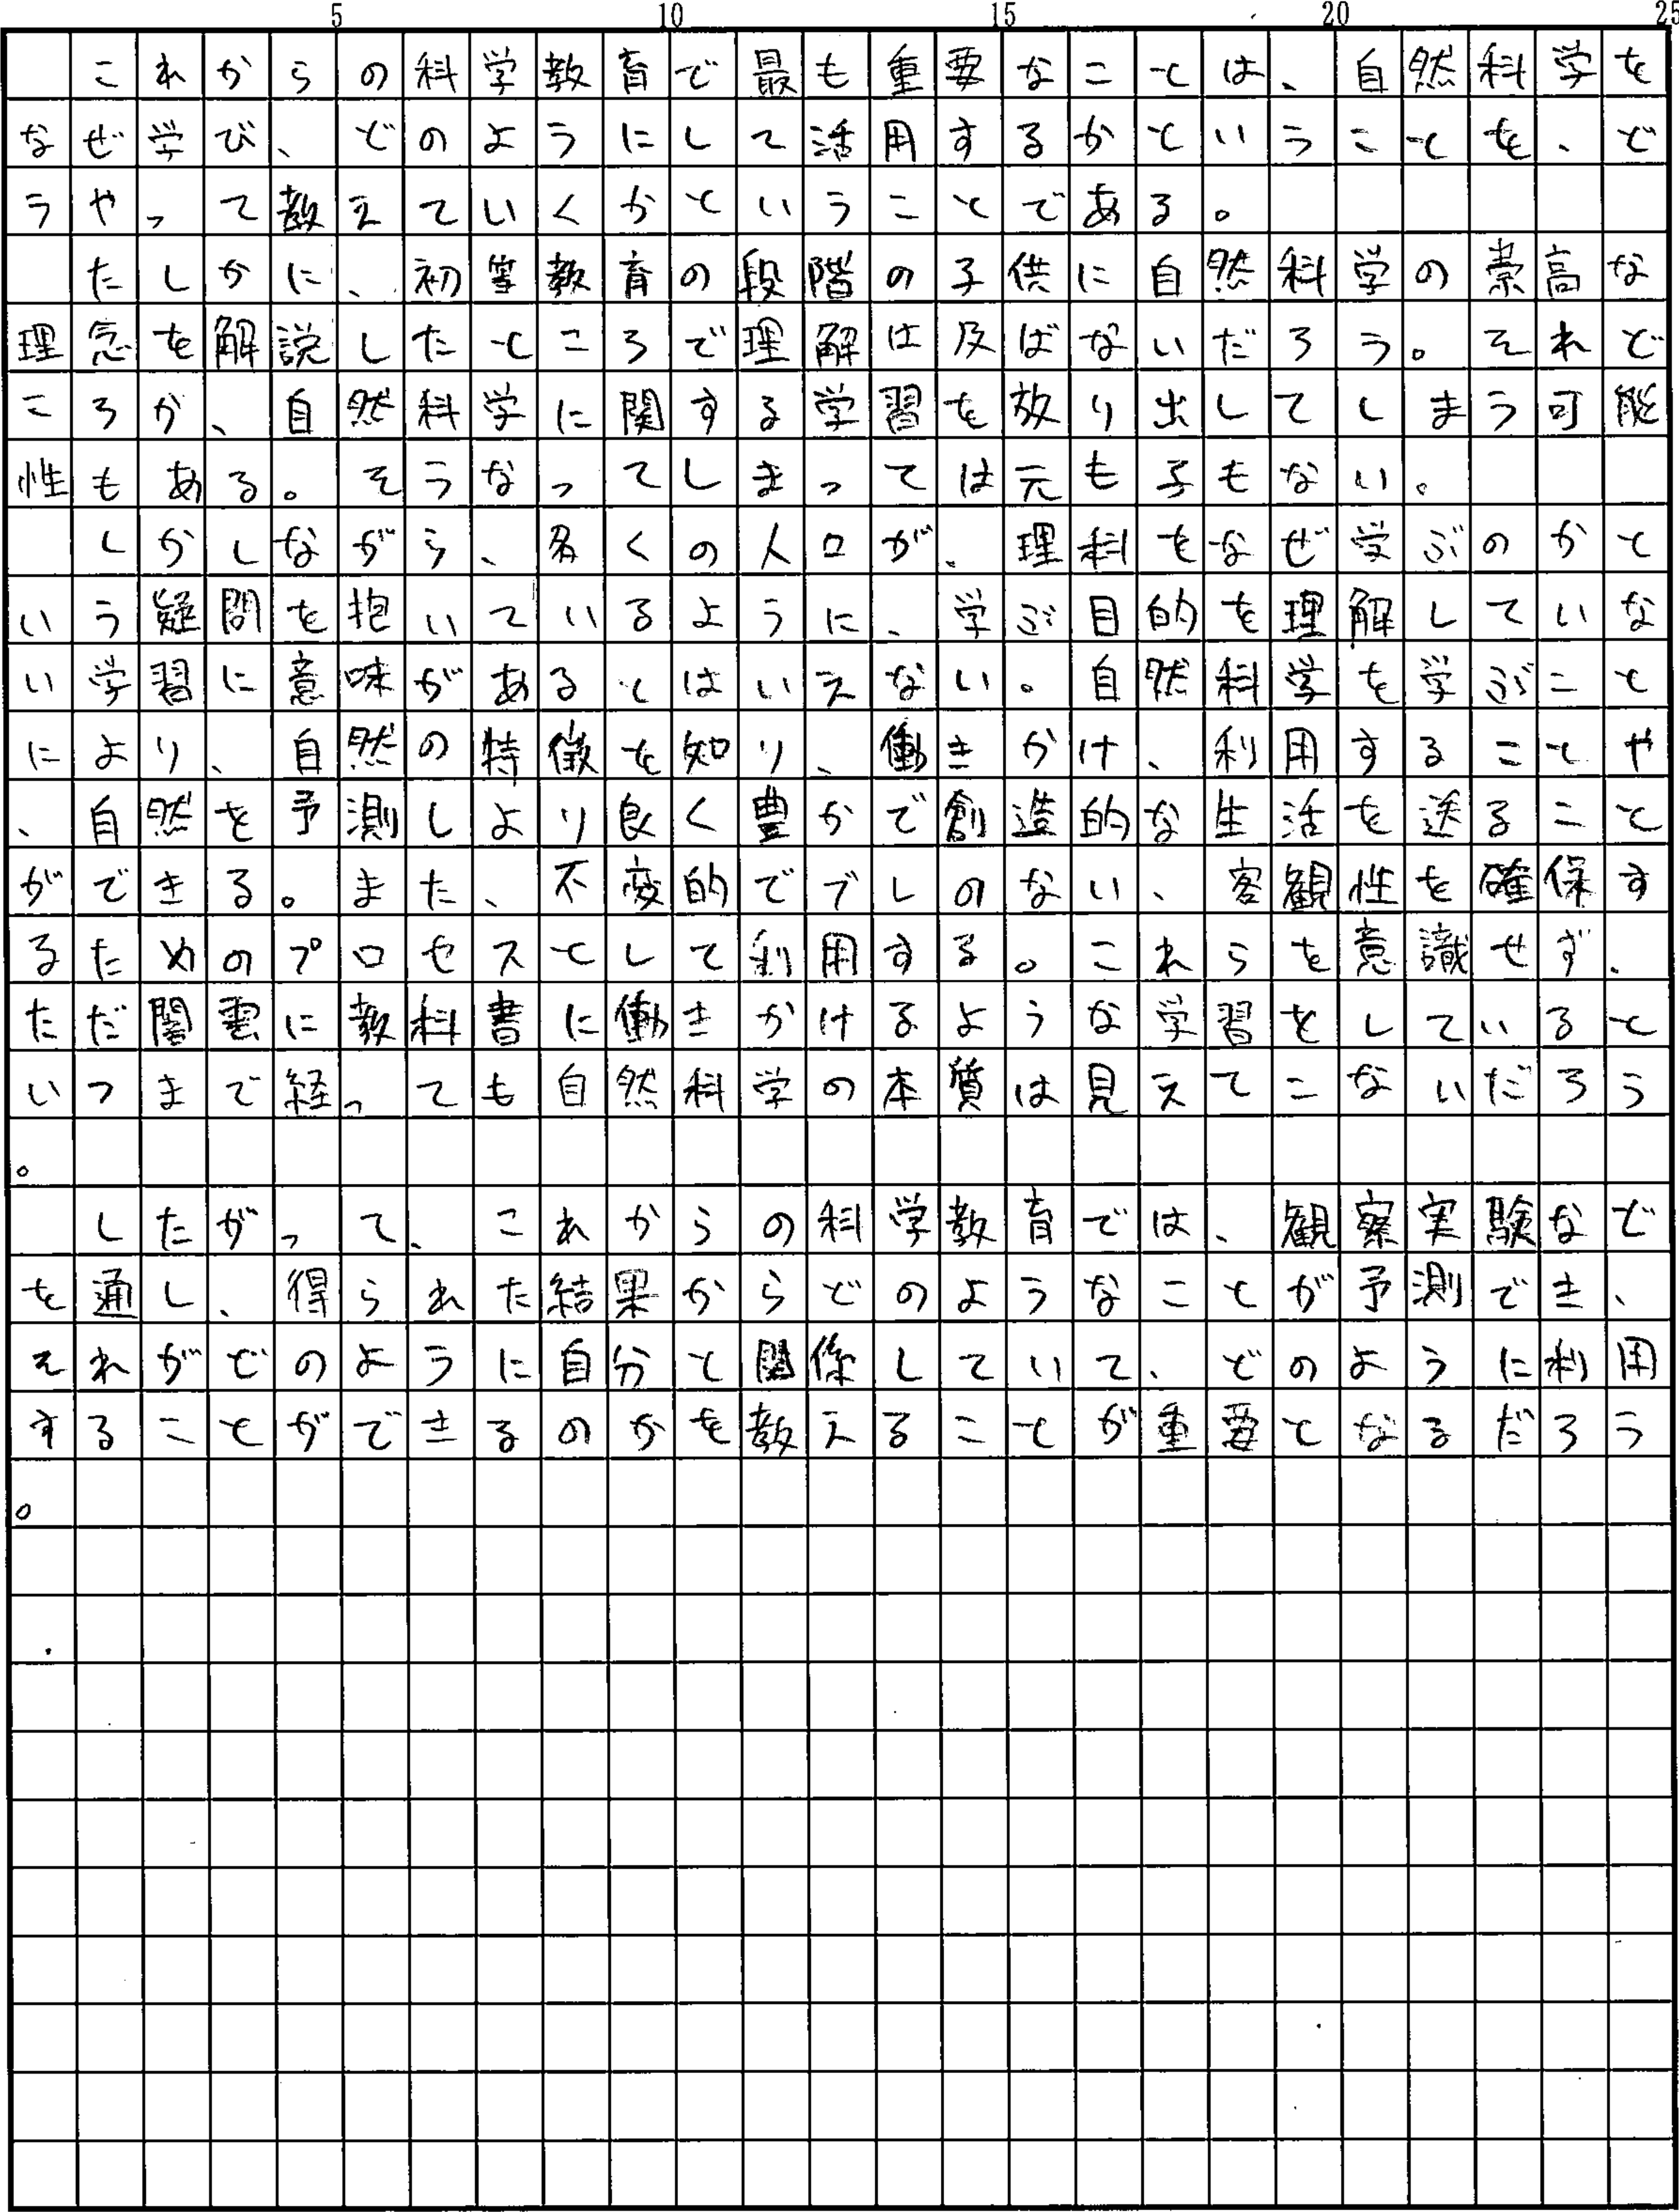　これからの科学教育で最も重要なことは、自然科学をなぜ学び、どのようにして活用するかということを、どうやって教えていくかということである。
　たしかに、初等教育の段階の子供に自然科学の崇高な理念を解説したところで理解は及ばないだろう。それどころか、自然科学に関する学習を放り出してしまう可能性もある。そうなってしまっては元も子もない。
　しかしながら、多くの人々が、理科はなぜ学ぶのかという疑問を抱いているように、学ぶ目的を理解していない学習に意味があるとはいえない。自然科学を学ぶことにより、自然の特徴を知り、働きかけ、利用することや、自然を予測しより良く豊かで創造的な生活を送ることができる。また、不変的でブレのない、客観性を確保するためのプロセスとして利用する。これらを意識せず、ただ闇雲に教科書に働きかけるような学習をしているといつまで経っても自然科学の本質は見えてこないだろう。
　したがって、これからの科学教育では、観察実験などを通し、得られた結果からどのようなことが予測でき、それがどのように自分と関係していて、どのように利用することができるのかを教えることが重要となるだろう。
